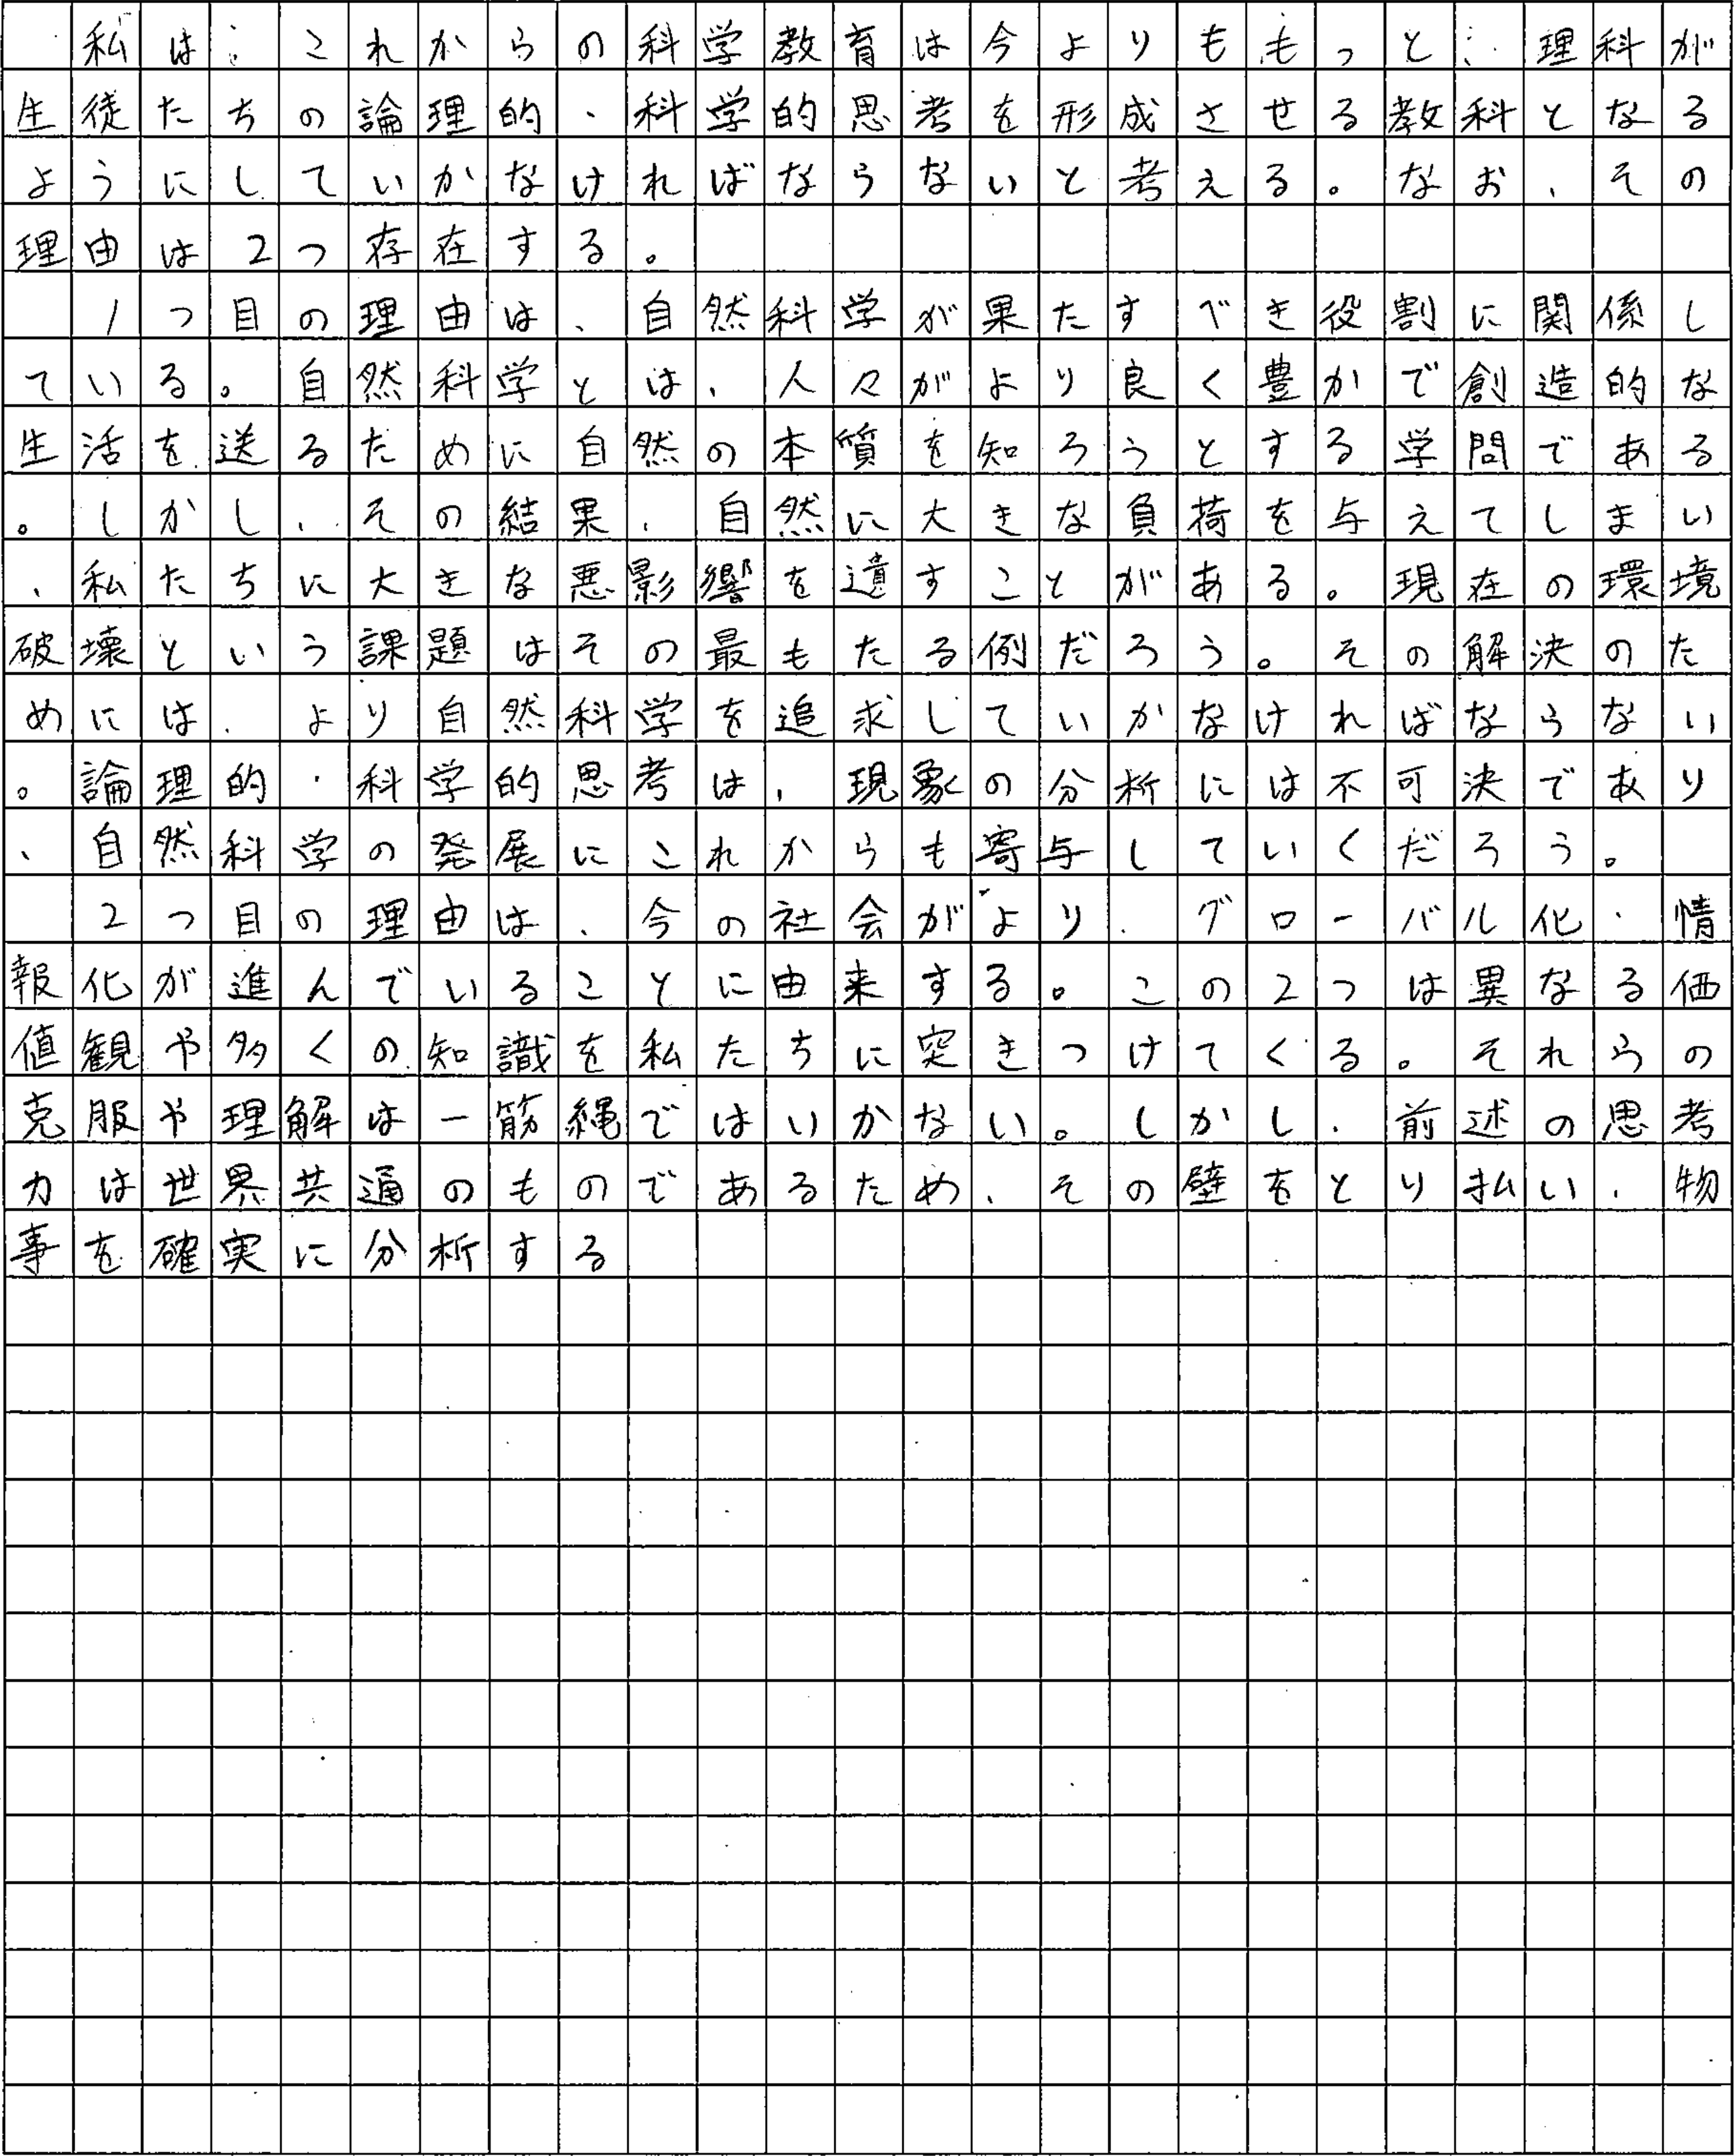　私は、これからの科学教育は今よりももっと、理科が生徒たちの論理的・科学的思考を形成させる教科となるようにしていかなければならないと考える。なお、その理由は２つ存在する。
　１つ目の理由は、自然科学が果たすべき役割に関係している。自然科学とは、人々がより良く豊かで創造的な生活を送るために自然の本質を知ろうとする学問である。しかし、その結果、自然に大きな負荷を与えてしまい、私たちに大きな悪影響を遺すことがある。現在の環境破壊という課題はその最もたる例だろう。その解決のためには、より自然科学を追求していかなければならない。論理的・科学的思考は、現象の分析には不可決であり、自然科学の発展にこれからも寄与していくだろう。
　２つ目の理由は、今の社会がより、グローバル化・情報化が進んでいることに由来する。この２つは異なる価値観や多くの知識を私たちに突きつけてくる。それらの克服や理解は一筋縄ではいかない。しかし、前述の思考力は世界共通のものであるため、その壁をとり払い、物事を確実に分析する
